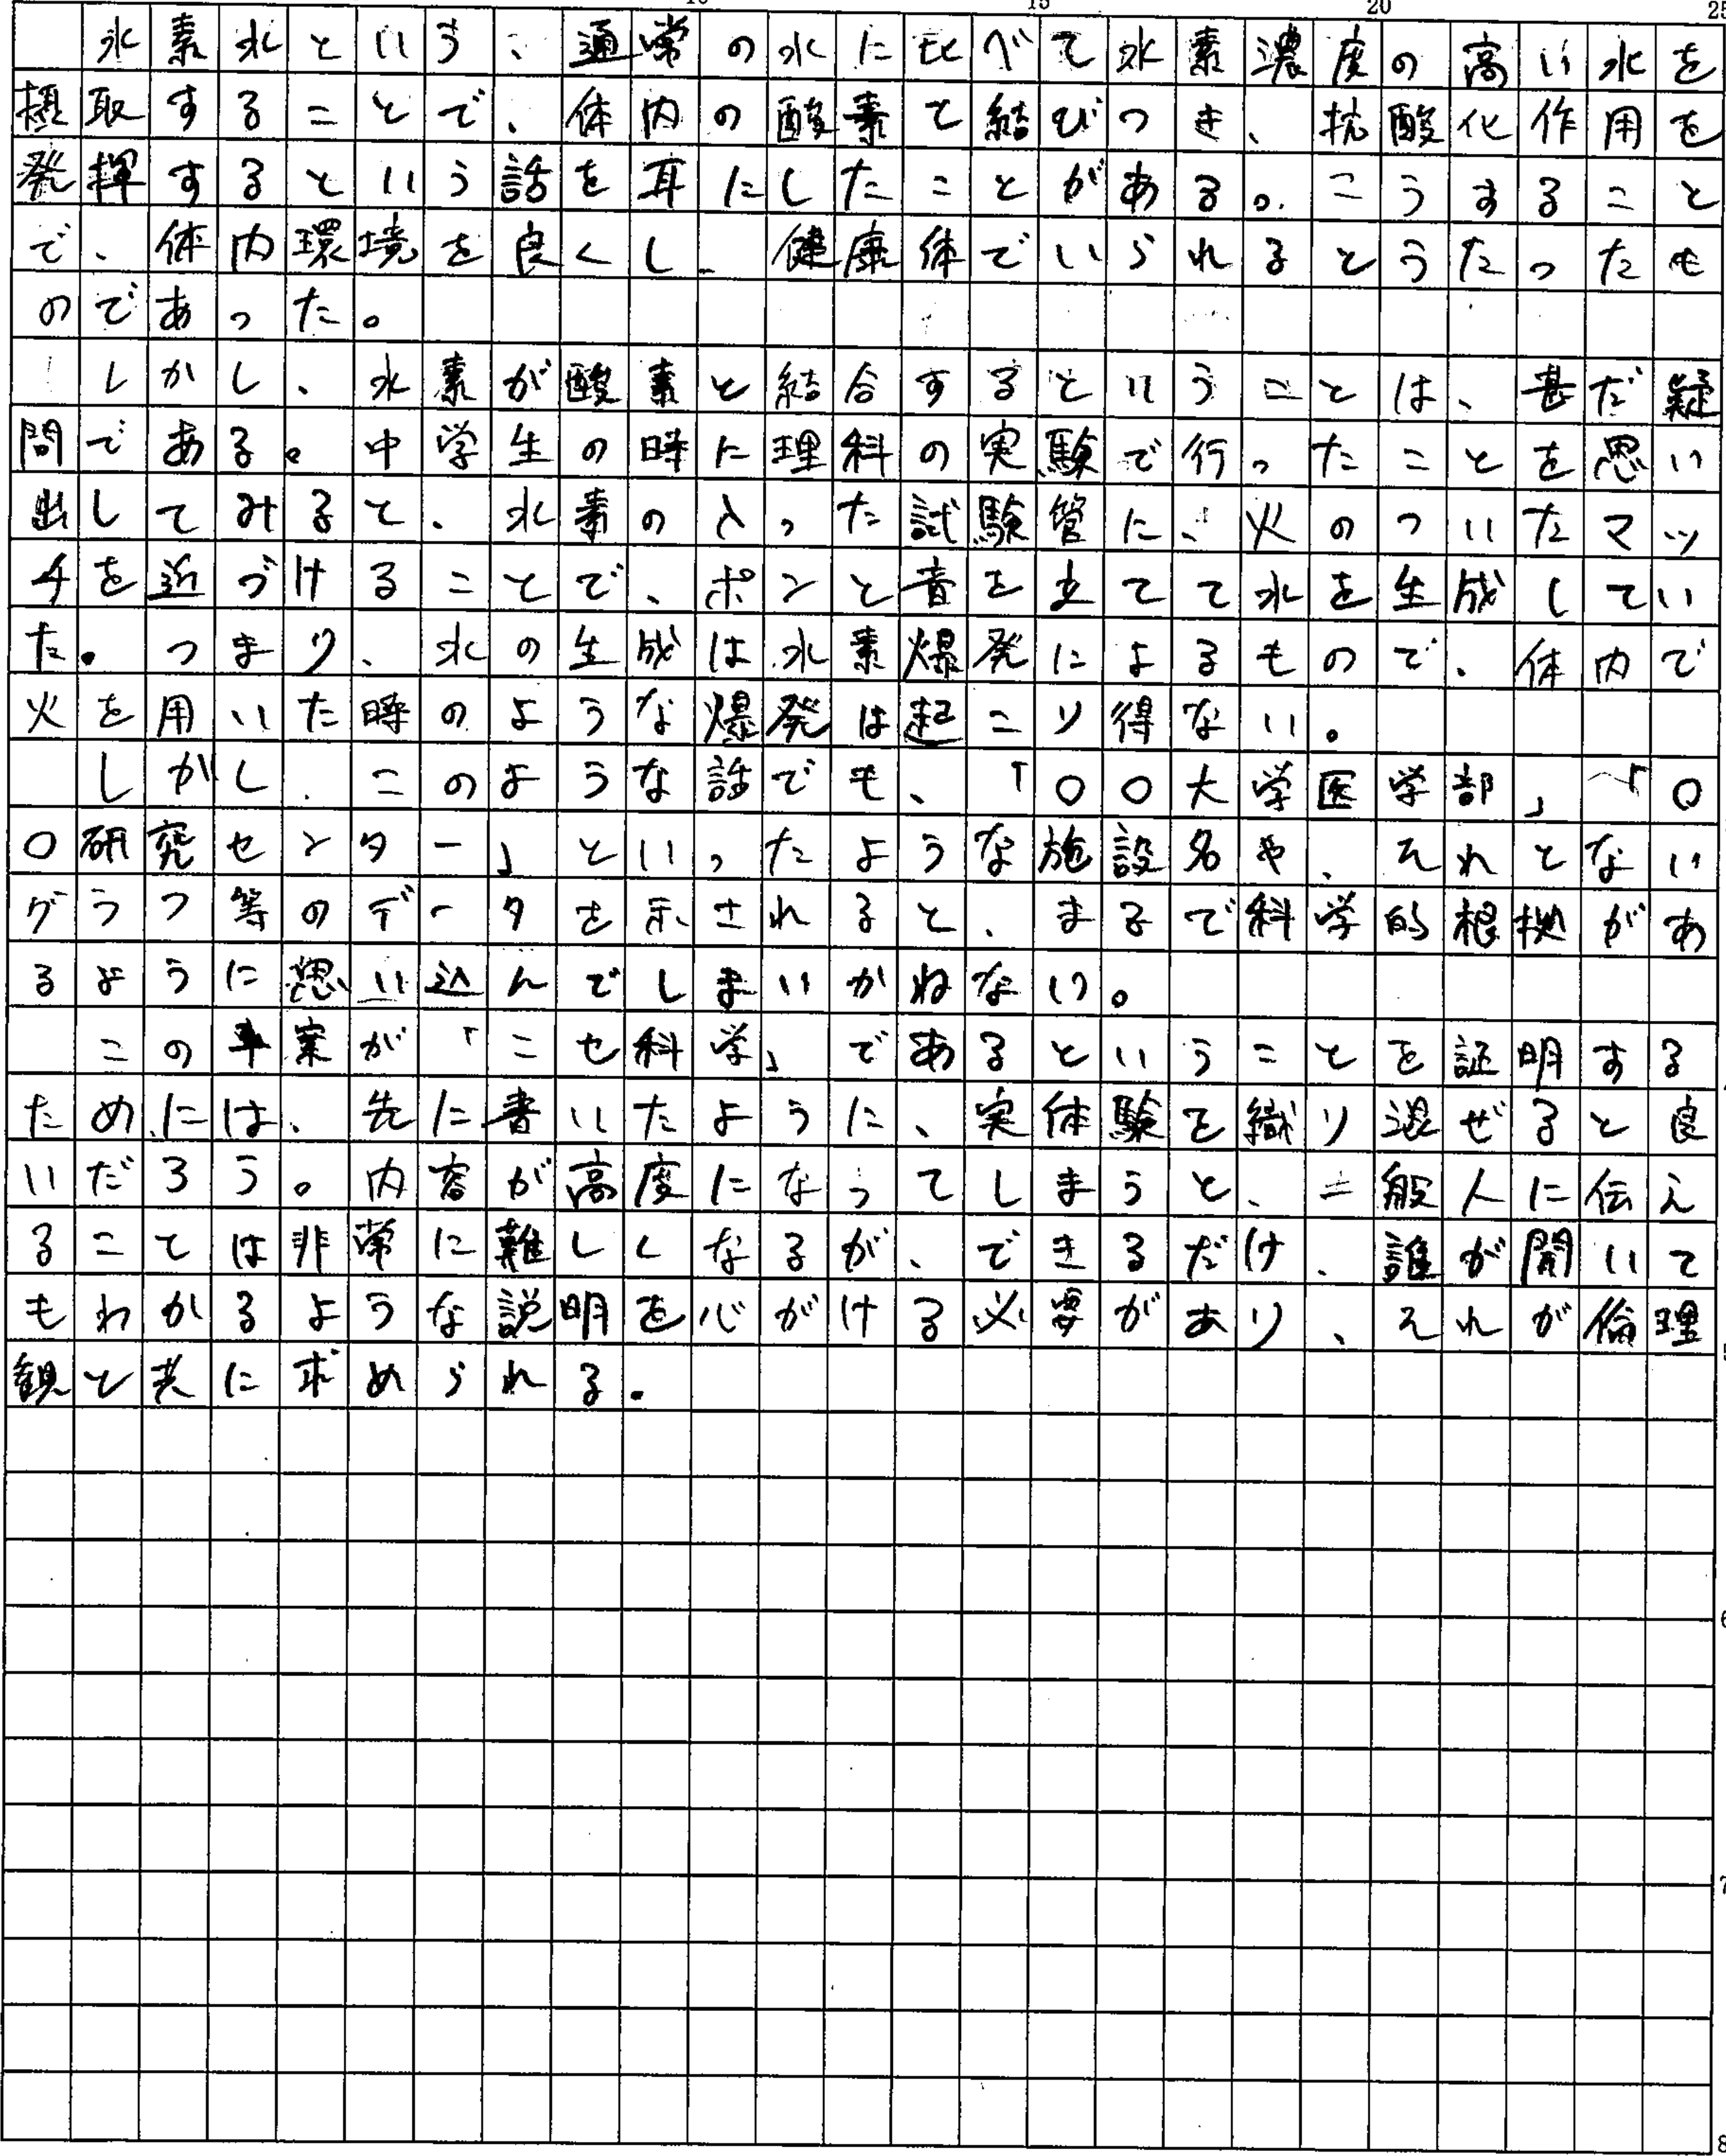　水素水という、通常の水に比べて水素濃度の高い水を摂取することで、体内の酸素と結びつき、抗酸化作用を発揮するという話を耳にしたことがある。こうすることで、体内環境を良くし、健康体でいられるとうたったものであった。
　しかし、水素が酸素と結合するということは、甚だ疑問である。中学生の時に理科の実験で行ったことを思い出してみると、水素の入った試験管に、火のついたマッチを近づけることで、ポンと音を立てて水を生成していた。つまり、水の生成は水素爆発によるもので、体内で火を用いた時のような爆発は起こり得ない。
　しかし、このような話でも、「○○大学医学部」「○○研究センター」といったような施設名や、それとないグラフ等のデータを示されると、まるで科学的根拠があるように思い込んでしまいかねない。
　この事案が「ニセ科学」であるということを証明するためには、先に書いたように、実体験を織り混ぜると良いだろう。内容が高度になってしまうと、一般人に伝えることは非常に難しくなるが、できるだけ、誰が聞いてもわかるような説明を心がける必要があり、それが倫理観と共に求められる。
